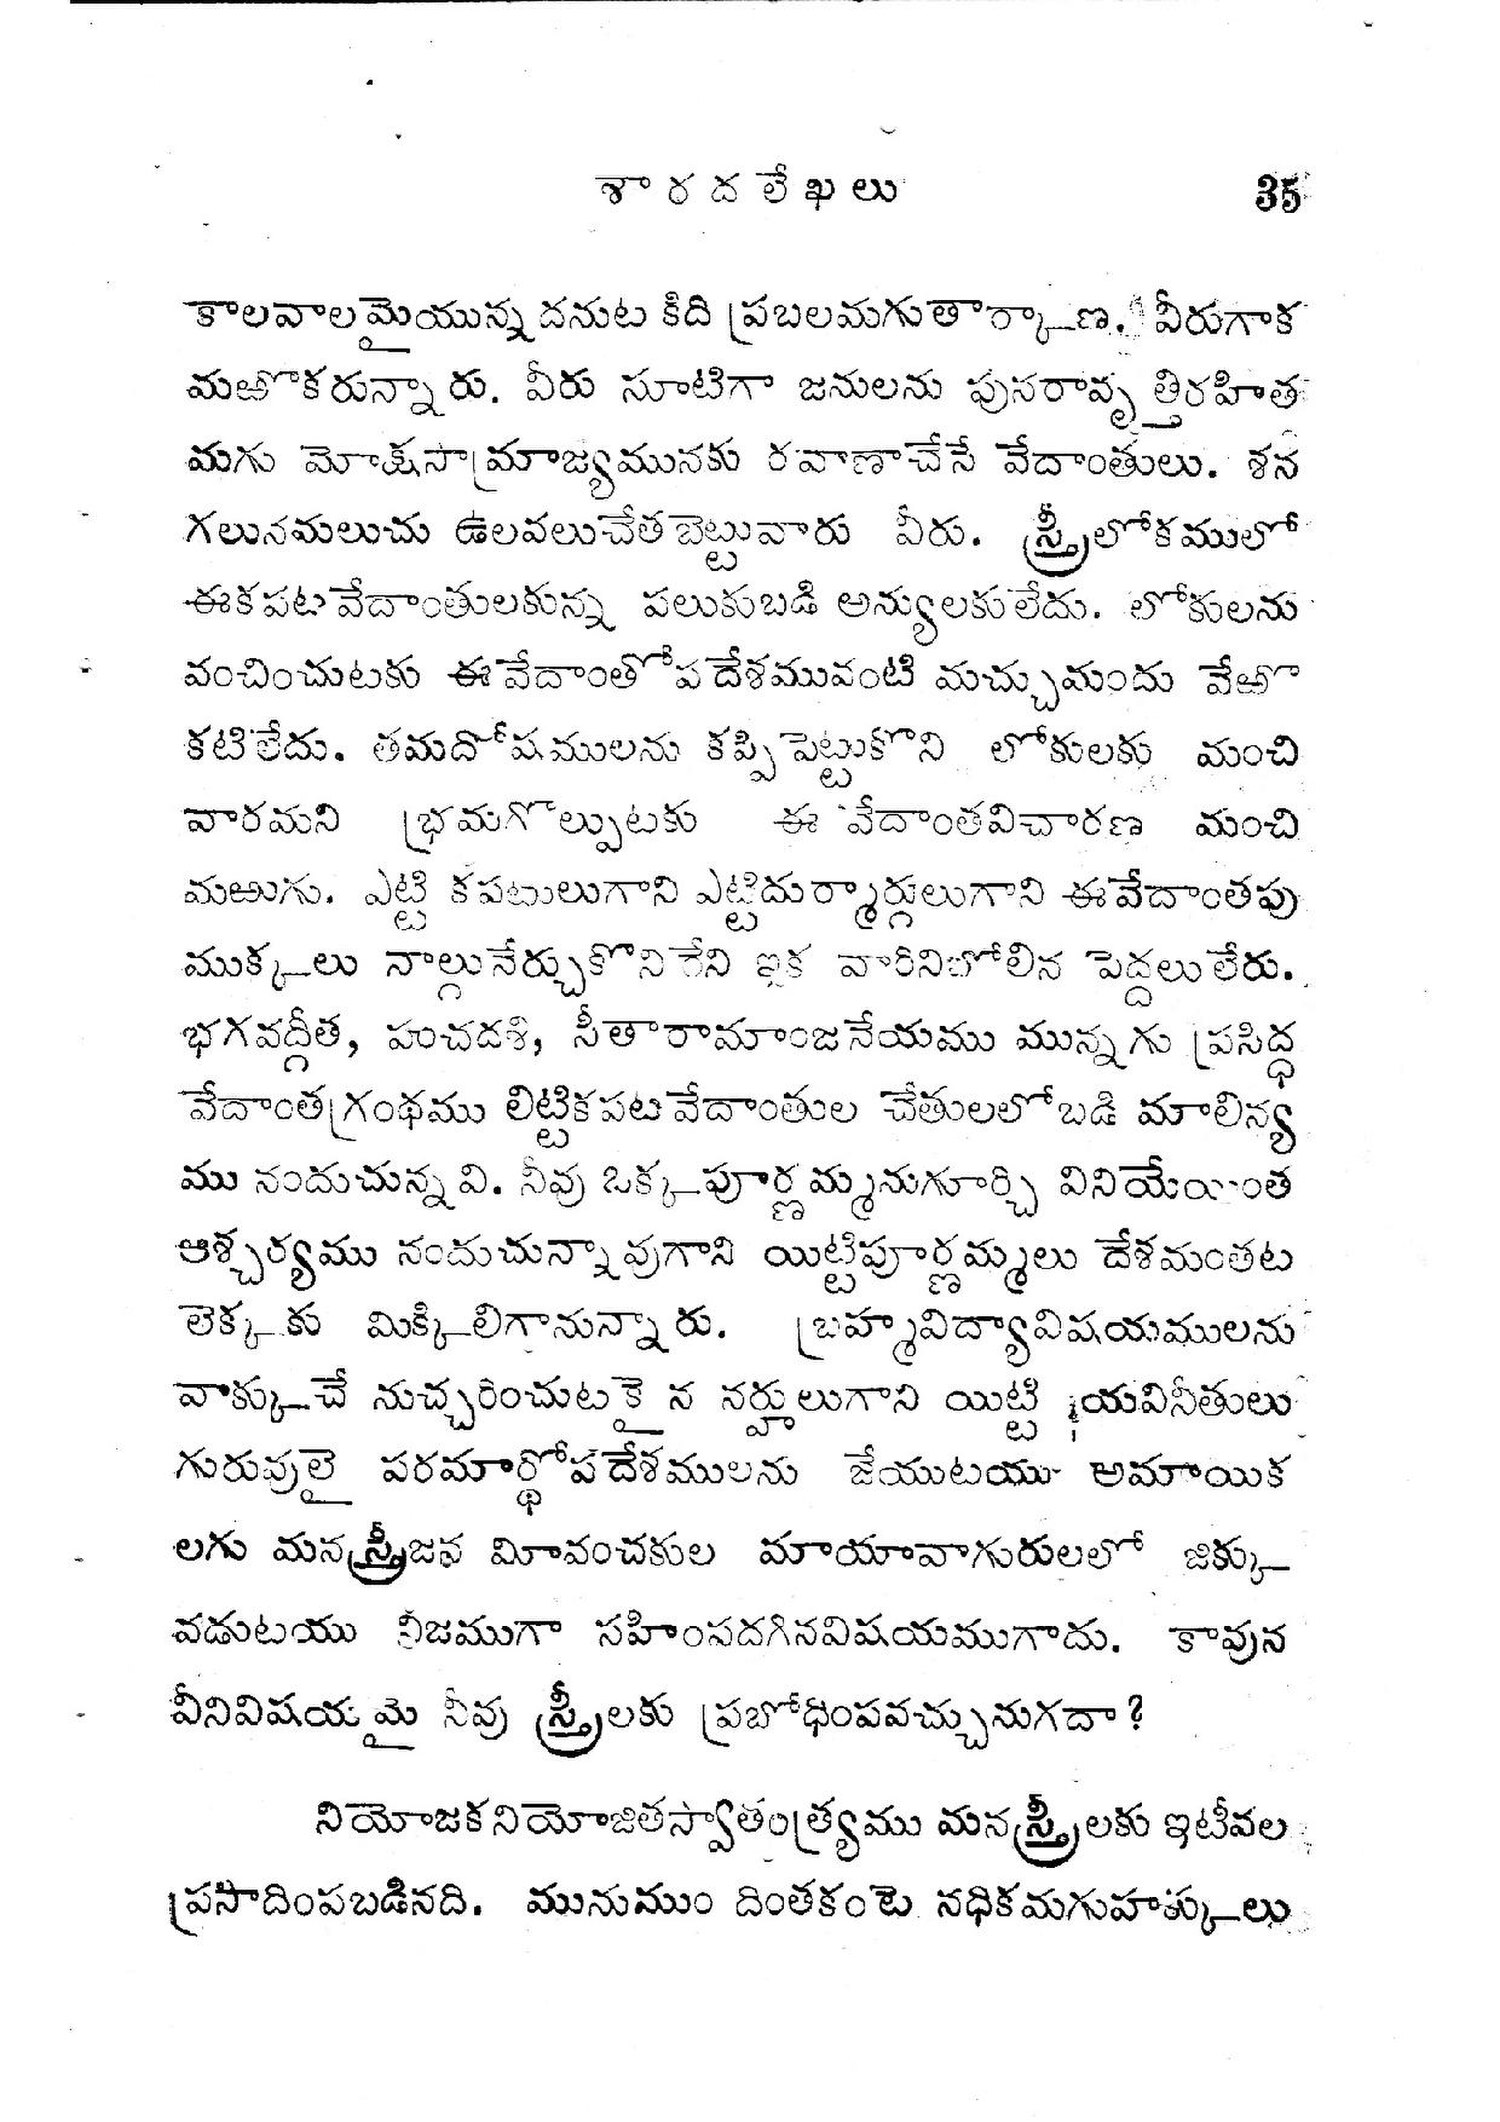కాలవాలమైయున్న దనుట కిది ప్రబలమగుతార్కాణ . వీరుగాక
మఱోకరున్నారు. వీరు సూటిగా జనులను పునరావృత్తిరహిత
మగు మోక్షసామ్రాజ్యమునకు రవాణాచేసే వేదాంతులు. శన
గలునమలుచు ఉలవలుచేతబెట్టువారు వీరు. స్త్రీలోకములో
ఈకపట వేదాంతులకున్న పలుకుబడి అన్యులకు లేదు. లోకులను
వంచించుటకు ఈ వేదాంతోపదేశమువంటి మచ్చుమందు వేఱో 
కటిలేదు. తమదోషములను కప్పిపెట్టుకొని లోకులకు మంచి
వారమని భ్రమగొల్పుటకు ఈ `వేదాంతవిచారణ మంచి
మఱుగు. ఎట్టి కపటులుగాని ఎట్టిదుర్మార్గులుగాని ఈ వేదాంతపు
ముక్కలు నాల్గునేర్చుకొనిరేని ఇక వారినిబోలిన పెద్దలు లేరు.
భగవద్గీత, పంచదశి, సీతారామాంజనేయము మున్నగు ప్రసిద్ధ
వేదాంత గ్రంథము లిట్టికపట వేదాంతుల చేతులలో బడి మాలిన్య
ము నందుచున్నవి. నీవు ఒక్క పూర్ణమ్మను గూర్చి వినియేయింత
ఆశ్చర్యము నందుచున్నావుగాని యిట్టిపూర్ణమ్మలు దేశమంతట
లెక్కకు మిక్కిలిగానున్నారు. బ్రహ్మవిద్యావిషయములను
వాక్కుచే నుచ్చరించుటకైన నర్హులుగాని యిట్టి యవినీతులు
గురువులై పరమార్థోపదేశములను జేయుటయు అమాయిక
లగు మనస్త్రీజన మీవంచకుల మాయావాగురులలో జిక్కు
వడుటయు నిజముగా సహింపదగినవిషయముగాదు. కావున
వీనివిషయమై నీవు స్త్రీలకు ప్రబోధింపవచ్చునుగదా?

నియోజకనియోజితస్వాతంత్య్రము మన స్త్రీలకు ఇటీవల
ప్రసాదింపబడినది. మునుముం దింతకంటె నధికమగుహక్కులు